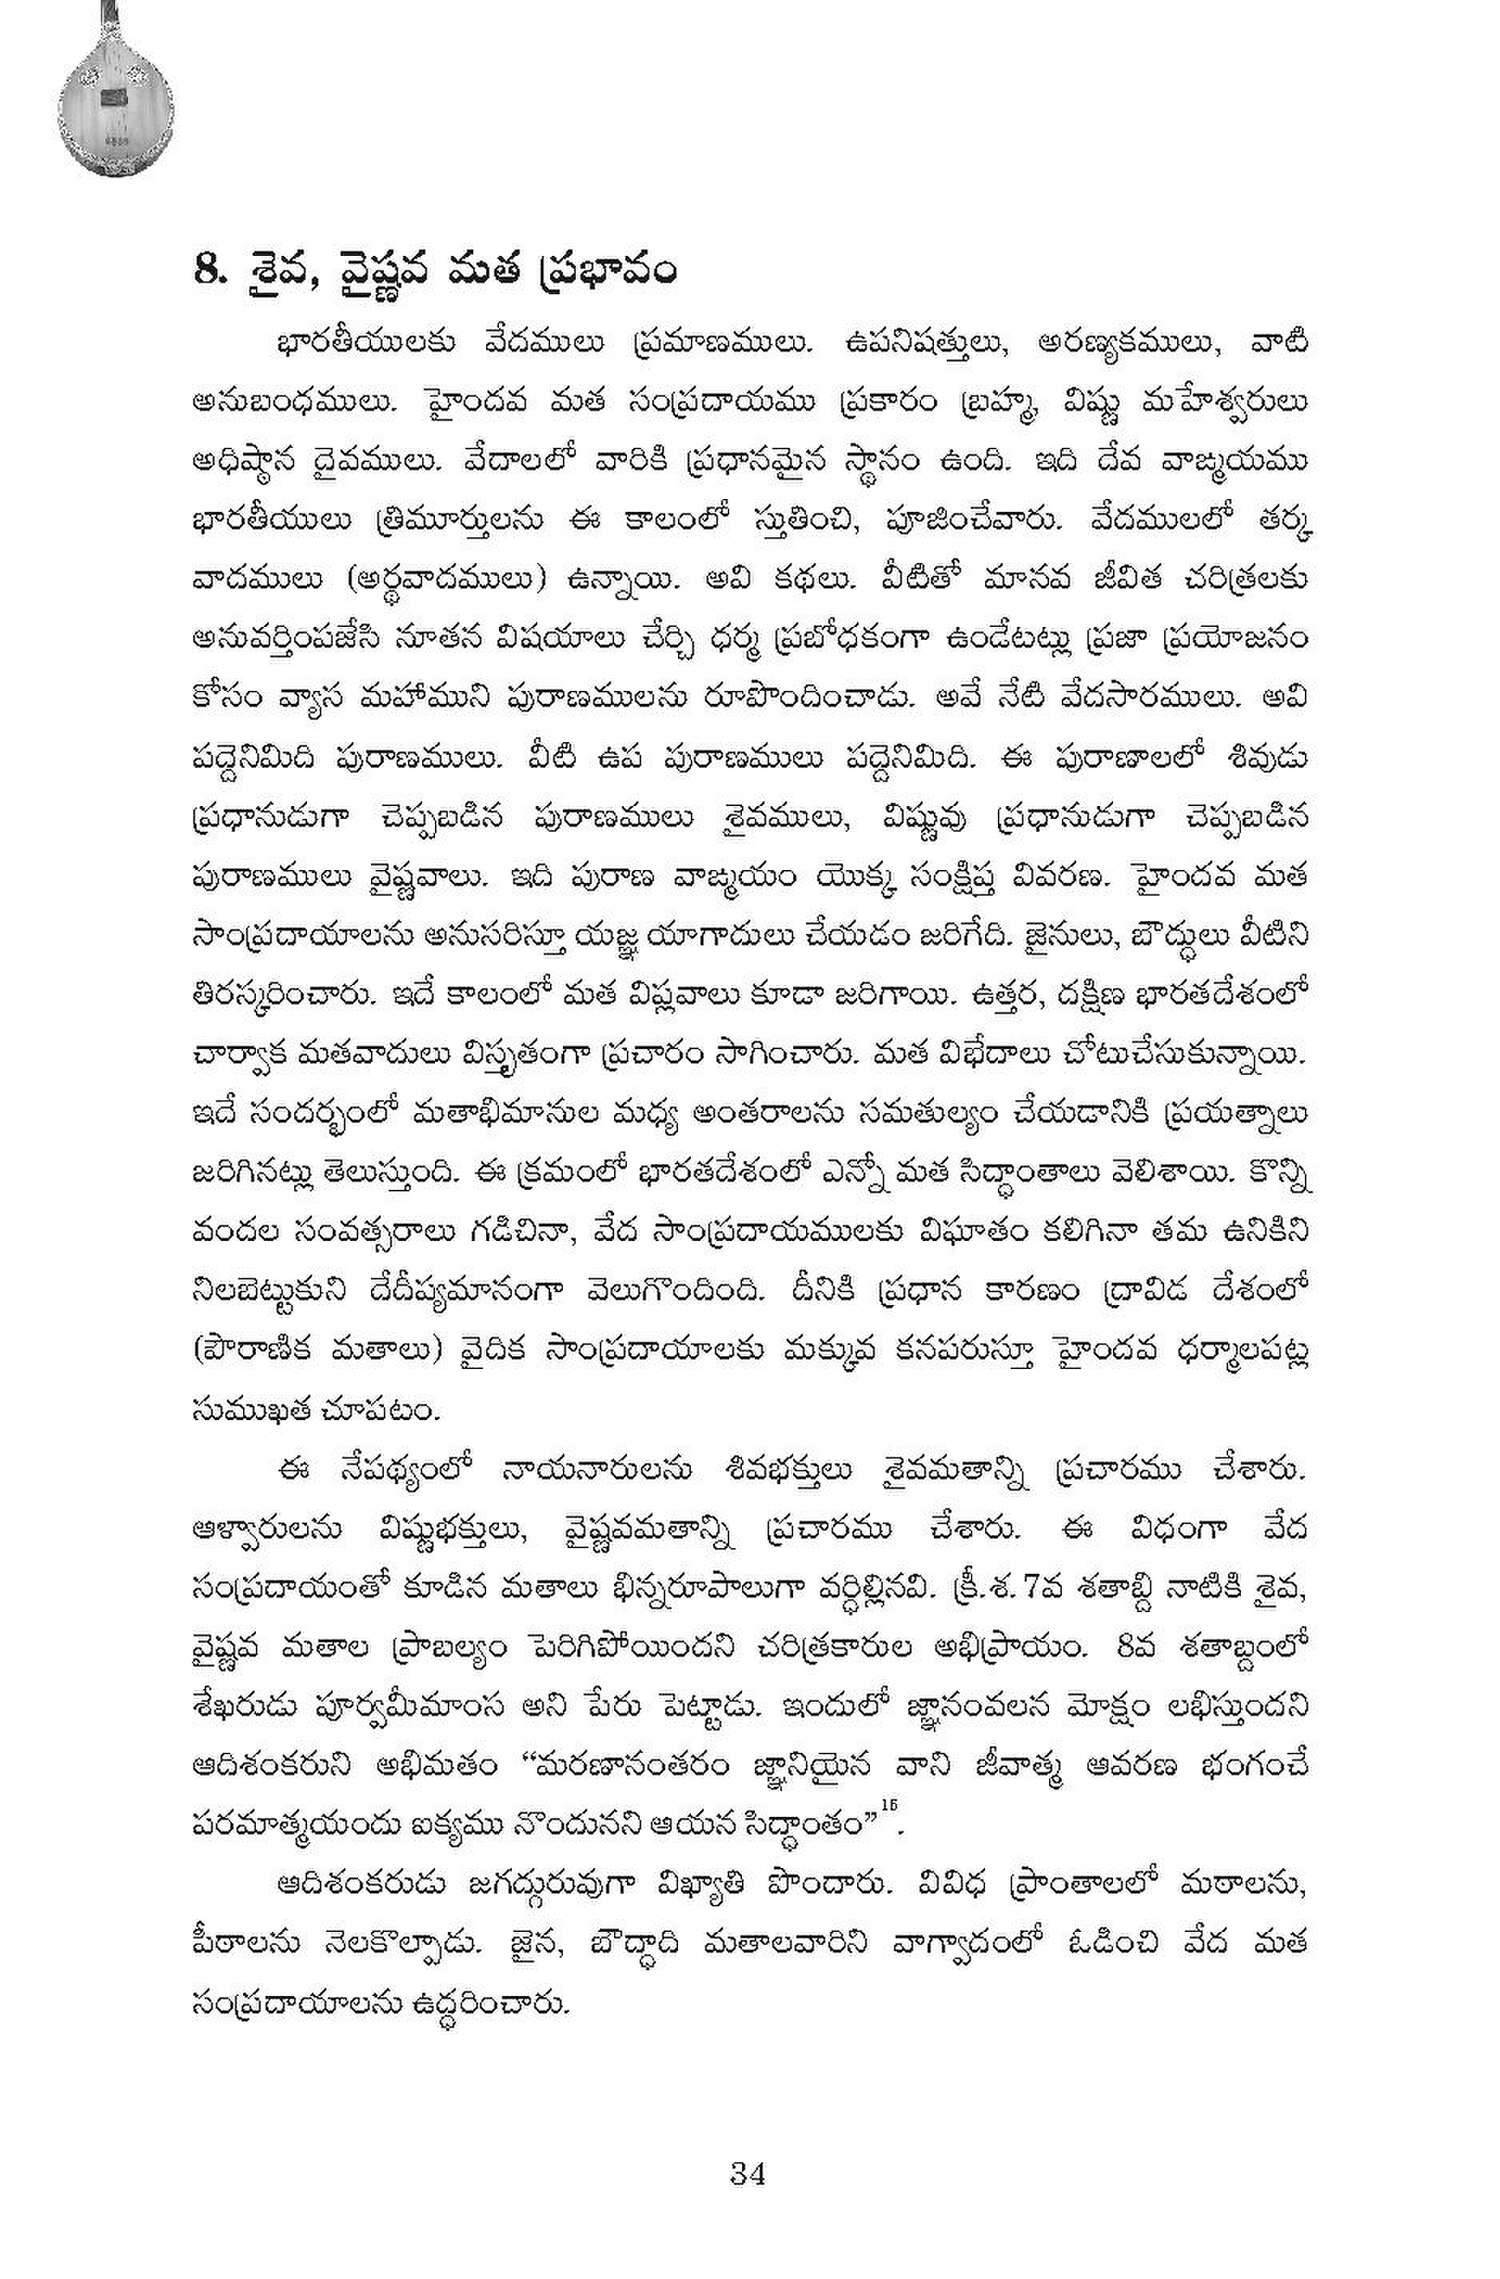8. శైవ, వైష్ణవ మత ప్రభావం 

భారతీయులకు వేదములు ప్రమాణములు. ఉపనిషత్తులు, అరణ్యకములు, వాటి అనుబంధములు. హైందవ మత సంప్రదాయము ప్రకారం బ్రహ్మ, విష్ణు మహేశ్వరులు అధిష్టాన దైవములు. వేదాలలో వారికి ప్రధానమైన స్థానం ఉంది. ఇది దేవ వాఙ్మయము భారతీయులు త్రిమూర్తులను ఈ కాలంలో స్తుతించి, పూజించేవారు. వేదములలో తర్క వాదములు (అర్థవాదములు) ఉన్నాయి. అవి కథలు. వీటితో మానవ జీవిత చరిత్రలకు అనువర్తింపజేసి నూతన విషయాలు చేర్చి ధర్మ ప్రబోధకంగా ఉండేటట్లు ప్రజా ప్రయోజనం కోసం వ్యాస మహాముని పురాణములను రూపొందించాడు. అవే నేటి వేదసారములు. అవి పద్దెనిమిది పురాణములు. వీటి ఉప పురాణములు పద్దెనిమిది. ఈ పురాణాలలో శివుడు ప్రధానుడుగా చెప్పబడిన పురాణములు శైవములు, విష్ణువు ప్రధానుడుగా చెప్పబడిన పురాణములు వైష్ణవాలు. ఇది పురాణ వాఙ్మయం యొక్క సంక్షిప్త వివరణ. హైందవ మత సాంప్రదాయాలను అనుసరిస్తూ యజ్ఞ యాగాదులు చేయడం జరిగేది. జైనులు, బౌద్ధులు వీటిని తిరస్కరించారు. ఇదే కాలంలో మత విప్లవాలు కూడా జరిగాయి. ఉత్తర, దక్షిణ భారతదేశంలో చార్వాక మతవాదులు విస్తృతంగా ప్రచారం సాగించారు. మత విభేదాలు చోటుచేసుకున్నాయి. ఇదే సందర్భంలో మతాభిమానుల మధ్య అంతరాలను సమతుల్యం చేయడానికి ప్రయత్నాలు జరిగినట్లు తెలుస్తుంది. ఈ క్రమంలో భారతదేశంలో ఎన్నో మత సిద్ధాంతాలు వెలిశాయి. కొన్ని వందల సంవత్సరాలు గడిచినా, వేద సాంప్రదాయములకు విఘాతం కలిగినా తమ ఉనికిని
నిలబెట్టుకుని దేదీప్యమానంగా వెలుగొందింది. దీనికి ప్రధాన కారణం ద్రావిడ దేశంలో (పౌరాణిక మతాలు) వైదిక సాంప్రదాయాలకు మక్కువ కనపరుస్తూ హైందవ ధర్మాలపట్ల సుముఖత చూపటం.

ఈ నేపథ్యంలో నాయనారులను శివభక్తులు శైవమతాన్ని ప్రచారము చేశారు. ఆళ్వారులను విష్ణుభక్తులు, వైష్ణవమతాన్ని ప్రచారము చేశారు. ఈ విధంగా వేద సంప్రదాయంతో కూడిన మతాలు భిన్నరూపాలుగా వర్ధిల్లినవి. క్రీ.శ. 7వ శతాబ్ది నాటికి శైవ, వైష్ణవ మతాల ప్రాబల్యం పెరిగిపోయిందని చరిత్రకారుల అభిప్రాయం. 8వ శతాబ్దంలో శేఖరుడు పూర్వమీమాంస అని పేరు పెట్టాడు. ఇందులో జ్ఞానంవలన మోక్షం లభిస్తుందని ఆదిశంకరుని అభిమతం "మరణానంతరం జ్ఞానియైన వాని జీవాత్మ ఆవరణ భంగంచే పరమాత్మయందు ఐక్యము నొందునని ఆయన సిద్ధాంతం" 16.

ఆదిశంకరుడు జగద్గురువుగా విఖ్యాతి పొందారు. వివిధ ప్రాంతాలలో మఠాలను, పీఠాలను నెలకొల్పాడు. జైన, బౌద్ధాది మతాలవారిని వాగ్వాదంలో ఓడించి వేద మత సంప్రదాయాలను ఉద్ధరించారు.